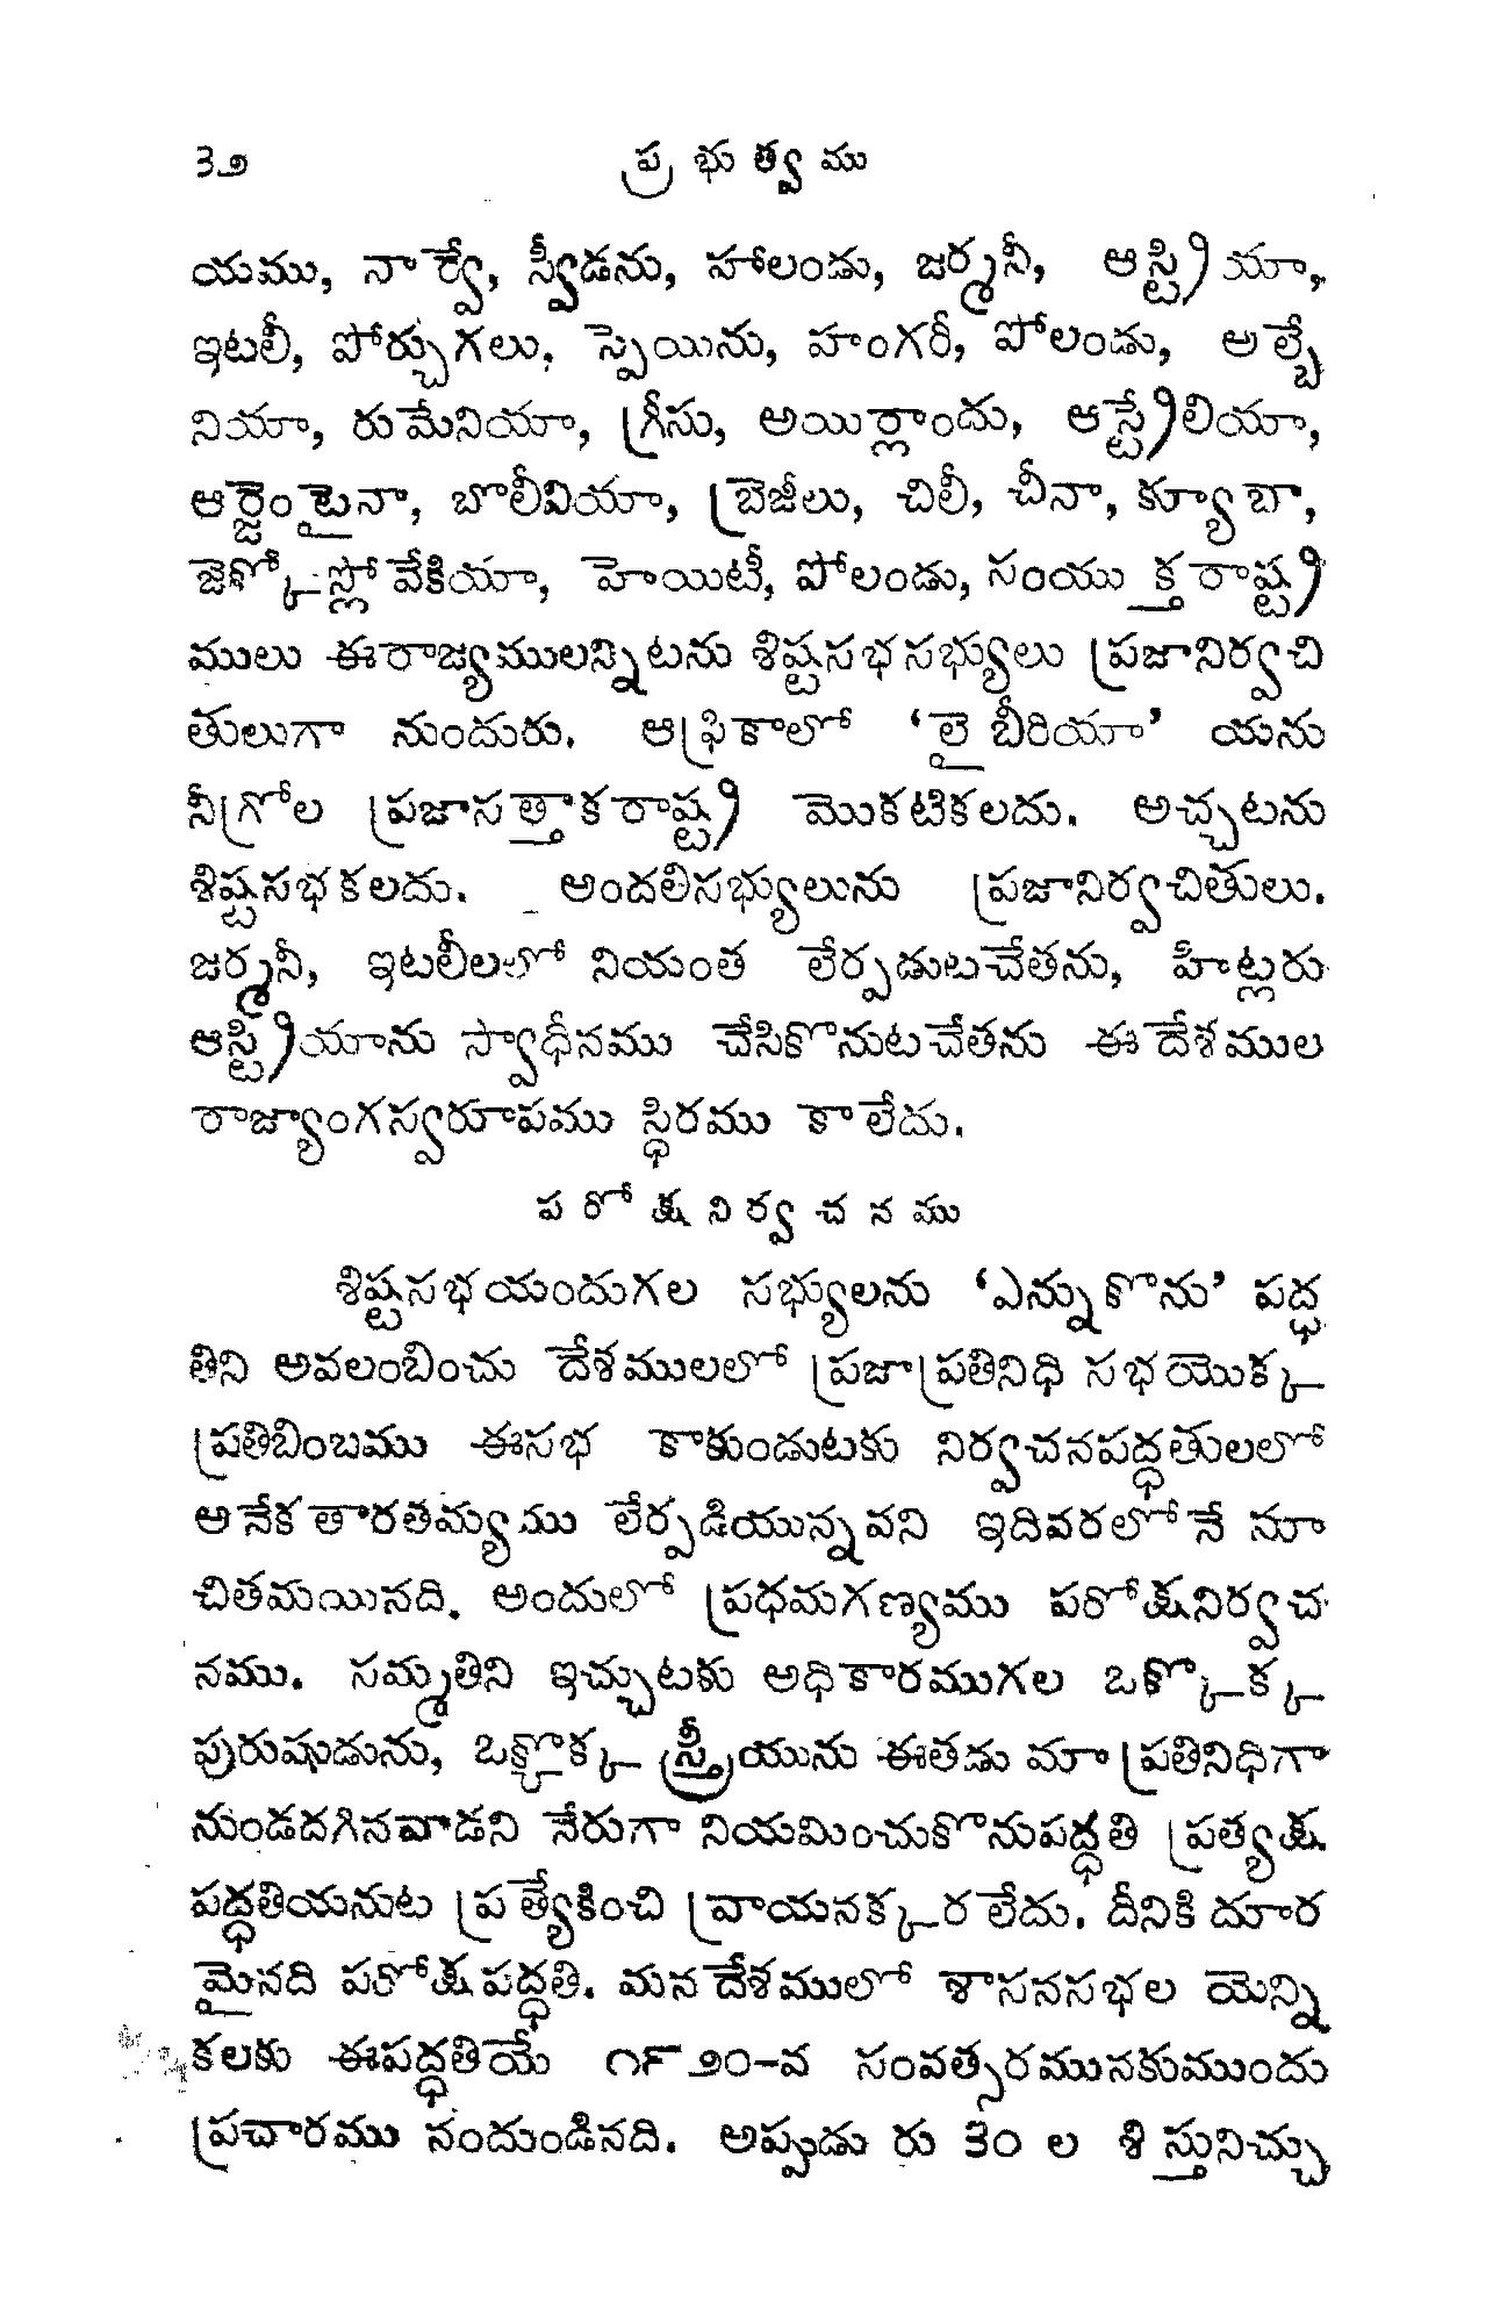యము, నార్వే, స్వీడను, హాలండు, జర్మనీ, ఆస్ట్రియా, ఇటలీ, పోర్చుగలు, స్పెయిను, హంగరీ, పోలండు, అల్బేనియా, రుమేనియా, గ్రీసు, అయిర్లాందు, ఆస్ట్రేలియా, ఆర్జెంటైనా, బొలీవియా, బ్రెజీలు, చిలీ, చీనా, క్యూబా, జెక్కో స్లో వేకియా, హెయిటీ, పోలండు, సంయుక్త రాష్ట్రములు ఈరాజ్యములన్నిటను శిష్టసభ సభ్యులు ప్రజానిర్వచితులుగా నుందురు. ఆఫ్రికాలో 'లైబీరియా' యను
నీగ్రోల ప్రజాసత్తాకరాష్ట్ర మొకటిక లదు. అచ్చటను శిష్టసభకలదు. - అందలిసభ్యులును ప్రజానిర్వచితులు, జర్మనీ, ఇటలీలలో నియంత లేర్పడుటచేతను, హిట్లరు ఆస్ట్రియాను స్వాధీనము చేసికొనుటచేతను ఈదేశముల రాజ్యాంగ స్వరూపము స్థిరము కాలేదు.

శిష్టసభయందుగల సభ్యులను 'ఎన్నుకొను' పద్ధతిని అవలంబించు దేశములలో ప్రజాప్రతినిధి సభయొక్క ప్రతిబింబము ఈసభ కాకుండుటకు నిర్వచనపద్ధతులలో అనేక తారతమ్యము లేర్పడియున్నవని ఇదివరలో నే నూచితమయినది, అందులో ప్రధమగణ్యము పరోక్షనిర్వచనము. సమ్మతిని ఇచ్చుటకు అధికారముగల ఒక్కొక్క పురుషుడును, ఒకొక్క స్త్రీయును ఈతడు మా ప్రతినిధిగా
నుండదగినవాడని నేరుగా నియమించుకొనుపద్ధతి ప్రత్యక్ష పద్ధతియనుట ప్రత్యేకించి వ్రాయనక్కర లేదు. దీనికి దూరమైనది పరోక్షపద్ధతి. మనదేశములో శాసనసభల యెన్నికలకు ఈపద్ధతియే 1920–వ సంవత్సరమునకుముందు ప్రచారము నందుండినది. అప్పుడు రు 30 ల శిస్తునిచ్చు